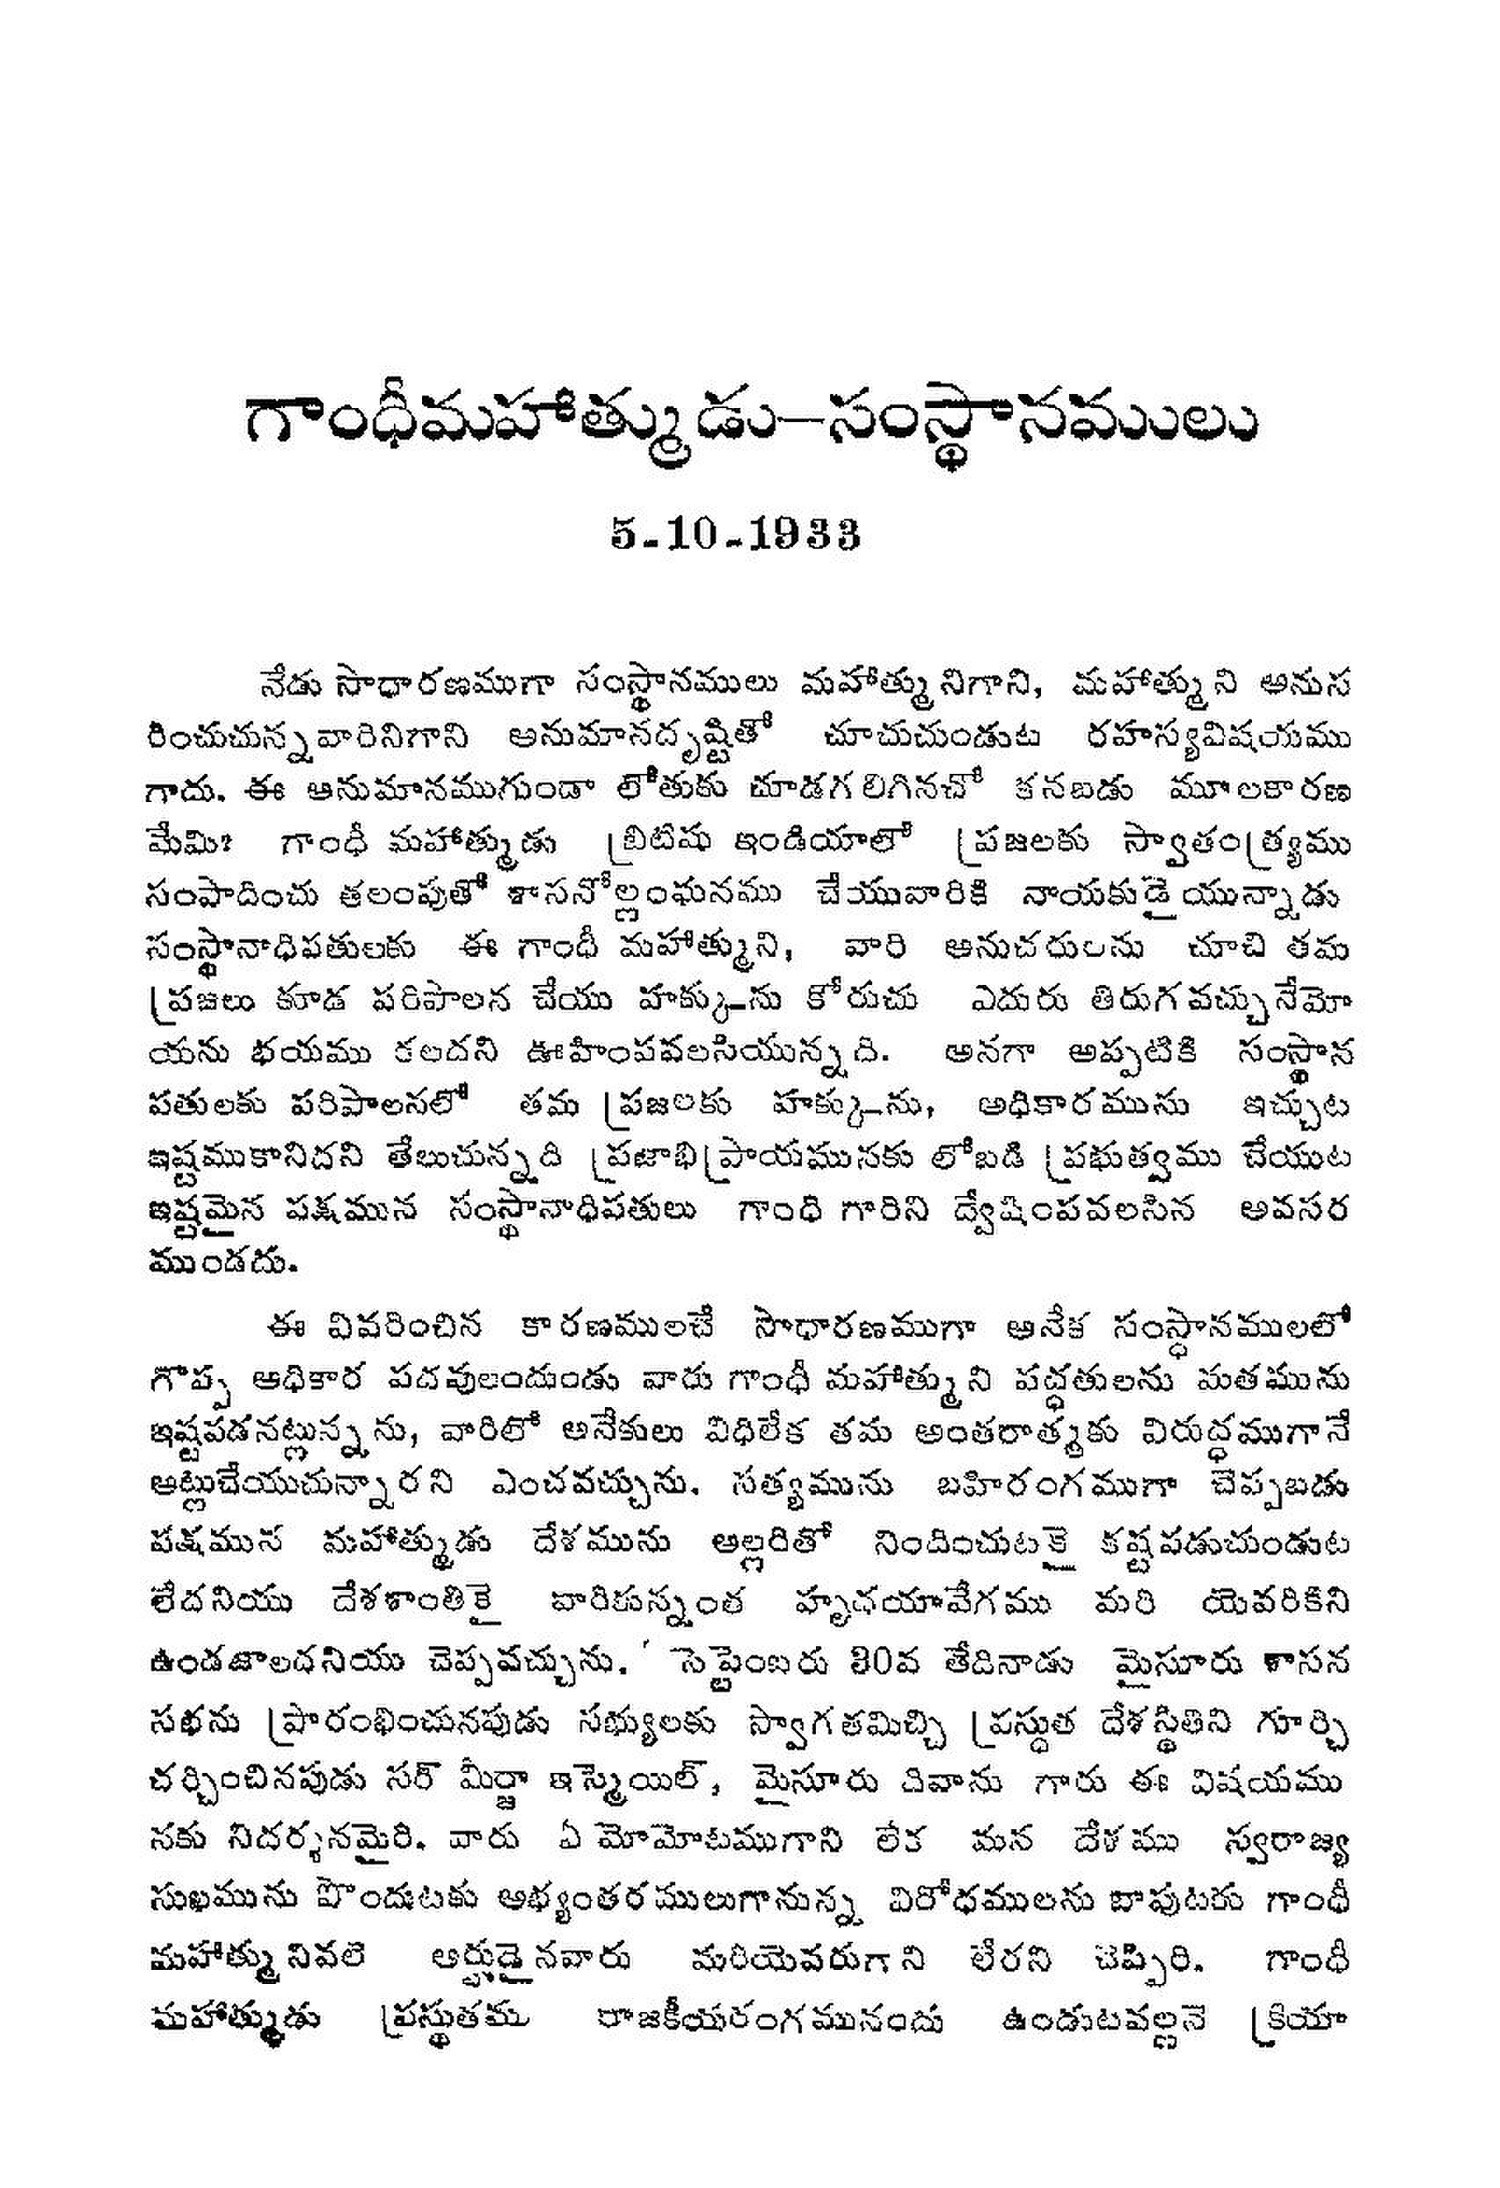గాంధీమహాత్ముడు—సంస్థానములు

5 - 10 - 1933

నేడు సాధారణముగా సంస్థానములు మహాత్మునిగాని, మహాత్ముని అనుసరించుచున్నవారినిగాని అనుమానదృష్టితో చూచుచుండుట రహస్యవిషయము గాదు. ఈ అనుమానముగుండా లోతుకు చూడగలిగినచో కనబడు మూలకారణ
మేమి? గాంధీ మహాత్ముడు బ్రిటిషు ఇండియాలో ప్రజలకు స్వాతంత్ర్యము సంపాదించు తలంపుతో శాసనోల్లంఘనము చేయువారికి నాయకుడైయున్నాడు సంస్థానాధిపతులకు ఈ గాంధీ మహాత్ముని, వారి అనుచరులను చూచి తమ ప్రజలు కూడ పరిపాలన చేయు హక్కును కోరుచు ఎదురు తిరుగవచ్చునేమో యను భయము కలదని ఊహింపవలసియున్నది. అనగా అప్పటికి సంస్థాన పతులకు పరిపాలనలో తమ ప్రజలకు హక్కును, అధికారమును ఇచ్చుట ఇష్టముకానిదని తేలుచున్నది ప్రజాభిప్రాయమునకు లోబడి ప్రభుత్వము చేయుటఇష్టమైన పక్షమున సంస్థానాధిపతులు గాంధి గారిని ద్వేషింపవలసిన అవసర ముండదు.

ఈ వివరించిన కారణములచే సాధారణముగా అనేక సంస్థానములలో గొప్ప అధికార పదవులందుండు వారు గాంధీ మహాత్ముని పద్ధతులను మతమును ఇష్టవడనట్లున్నను, వారిలో అనేకులు విధిలేక తమ అంతరాత్మకు విరుద్ధముగానే అట్లుచేయుచున్నారని ఎంచవచ్చును. సత్యమును బహిరంగముగా చెప్పబడు పక్షమున మహాత్ముడు దేశమును అల్లరితో నిందించుటకై కష్టపడుచుండుట లేదనియు దేశశాంతికై వారికున్నంత హృదయావేగము మరి యెవరికిని ఉండజాలదనియు చెప్పవచ్చును. సెప్టెంబరు 30వ తేదినాడు మైసూరు శాసన సభను ప్రారంభించునపుడు సభ్యులకు స్వాగతమిచ్చి ప్రస్తుత దేశ స్థితిని గూర్చి చర్చించినపుడు సర్ మీర్జా ఇస్మెయిల్, మైసూరు దివాను గారు ఈ విషయమునకు నిదర్శనమైరి. వారు ఏ మోమోటముగాని లేక మన దేశము స్వరాజ్యసుఖమును పొందుటకు అభ్యంతరములుగానున్న విరోధములను బాపుటకు గాంధీ మహాత్మునివలె అర్హుడైనవారు మరియెవరుగాని లేరని చెప్పిరి. గాంధీ మహాత్ముడు ప్రస్థుతము రాజకీయరంగమునందు ఉండుటవల్లనే క్రియా